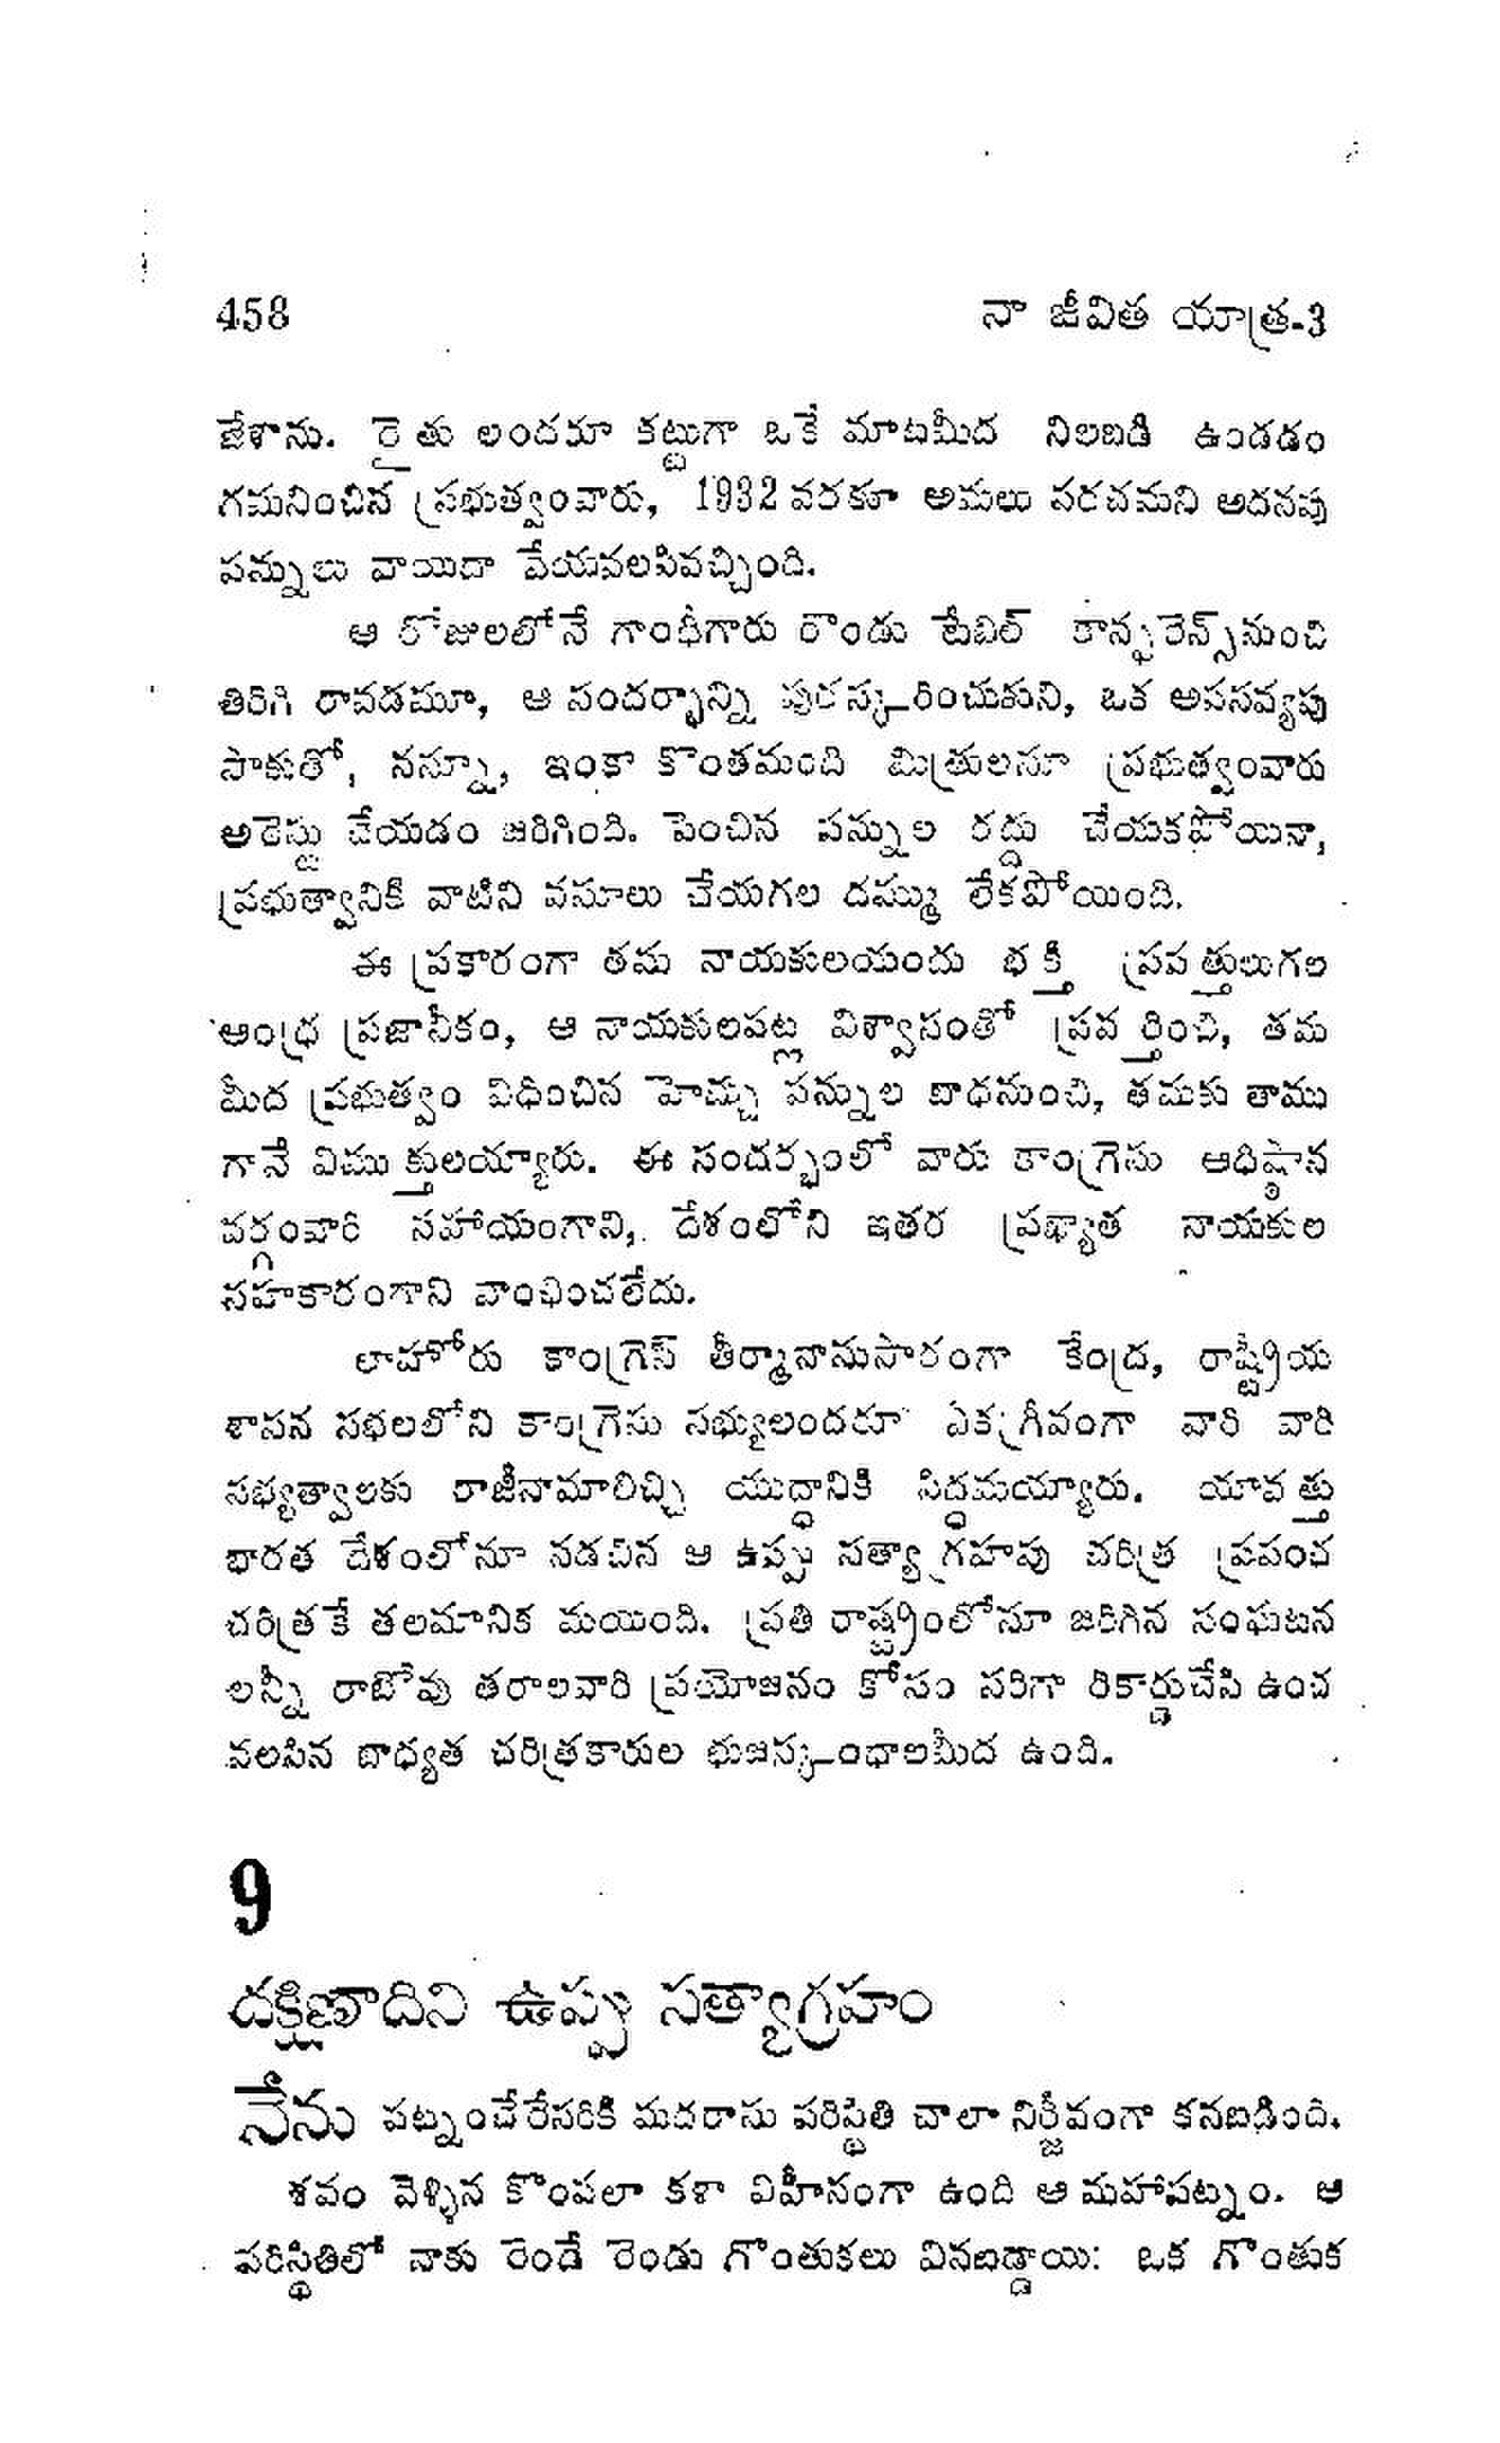జేశాను. రైతు లందరూ కట్టుగా ఒకే మాటమీద నిలబడి ఉండడం గమనించిన ప్రభుత్వంవారు, 1932 వరకూ అమలు పరచమని అదనపు పన్నులు వాయిదా వేయవలసివచ్చింది.

అ రోజులలోనే గాంధీగారు రౌండు టేబిల్ కాన్ఫరెన్స్‌నుంచి తిరిగి రావడమూ, అ సందర్భాన్ని పురస్కరించుకుని, ఒక అపసవ్యపు సాకుతో, నన్నూ, ఇంకా కొంతమంది మిత్రులనూ ప్రభుత్వంవారు అరెస్టు చేయడం జరిగింది. పెంచిన పన్నుల రద్దు చేయకపోయినా, ప్రభుత్వానికి వాటిని వసూలు చేయగల దమ్ము లేకపోయింది.

ఈ ప్రకారంగా తమ నాయకులయందు భక్తి ప్రపత్తులుగల ఆంధ్ర ప్రజానీకం, ఆ నాయకులపట్ల విశ్వాసంతో ప్రవర్తించి, తమ మీద ప్రభుత్వం విధించిన హెచ్చు పన్నుల బాధనుంచి, తమకు తాముగానే విముక్తులయ్యారు. ఈ సందర్భంలో వారు కాంగ్రెసు అధిష్ఠాన వర్గంవారి సహాయంగాని, దేశంలోని ఇతర ప్రఖ్యాత నాయకుల సహకారంగాని వాంఛించలేదు.

లాహోరు కాంగ్రెస్ తీర్మానానుసారంగా కేంద్ర, రాష్ట్రీయ శాసన సభలలోని కాంగ్రెసు సభ్యులందరూ ఏకగ్రీవంగా వారి వారి సభ్యత్వాలకు రాజీనామాలిచ్చి యుద్ధానికి సిద్ధమయ్యారు. యావత్తు భారత దేశంలోనూ నడచిన ఆ ఉప్పు సత్యా గ్రహపు చరిత్ర ప్రపంచ చరిత్రకే తలమానిక మయింది. ప్రతి రాష్ట్రంలోనూ జరిగిన సంఘటనలన్నీ రాబోవు తరాలవారి ప్రయోజనం కోసం సరిగా రికార్డుచేసి ఉంచవలసిన బాధ్యత చరిత్రకారుల భుజస్కంధాలమీద ఉంది.

నేను పట్నంచేరేసరికి మదరాసు పరిస్థితి చాలా నిర్జీవంగా కనబడింది. శవం వెళ్ళిన కొంపలా కళా విహీనంగా ఉంది అ మహాపట్నం. ఆ పరిస్థితిలో నాకు రెండే రెండు గొంతుకలు వినబడ్డాయి. ఒక గొంతుక